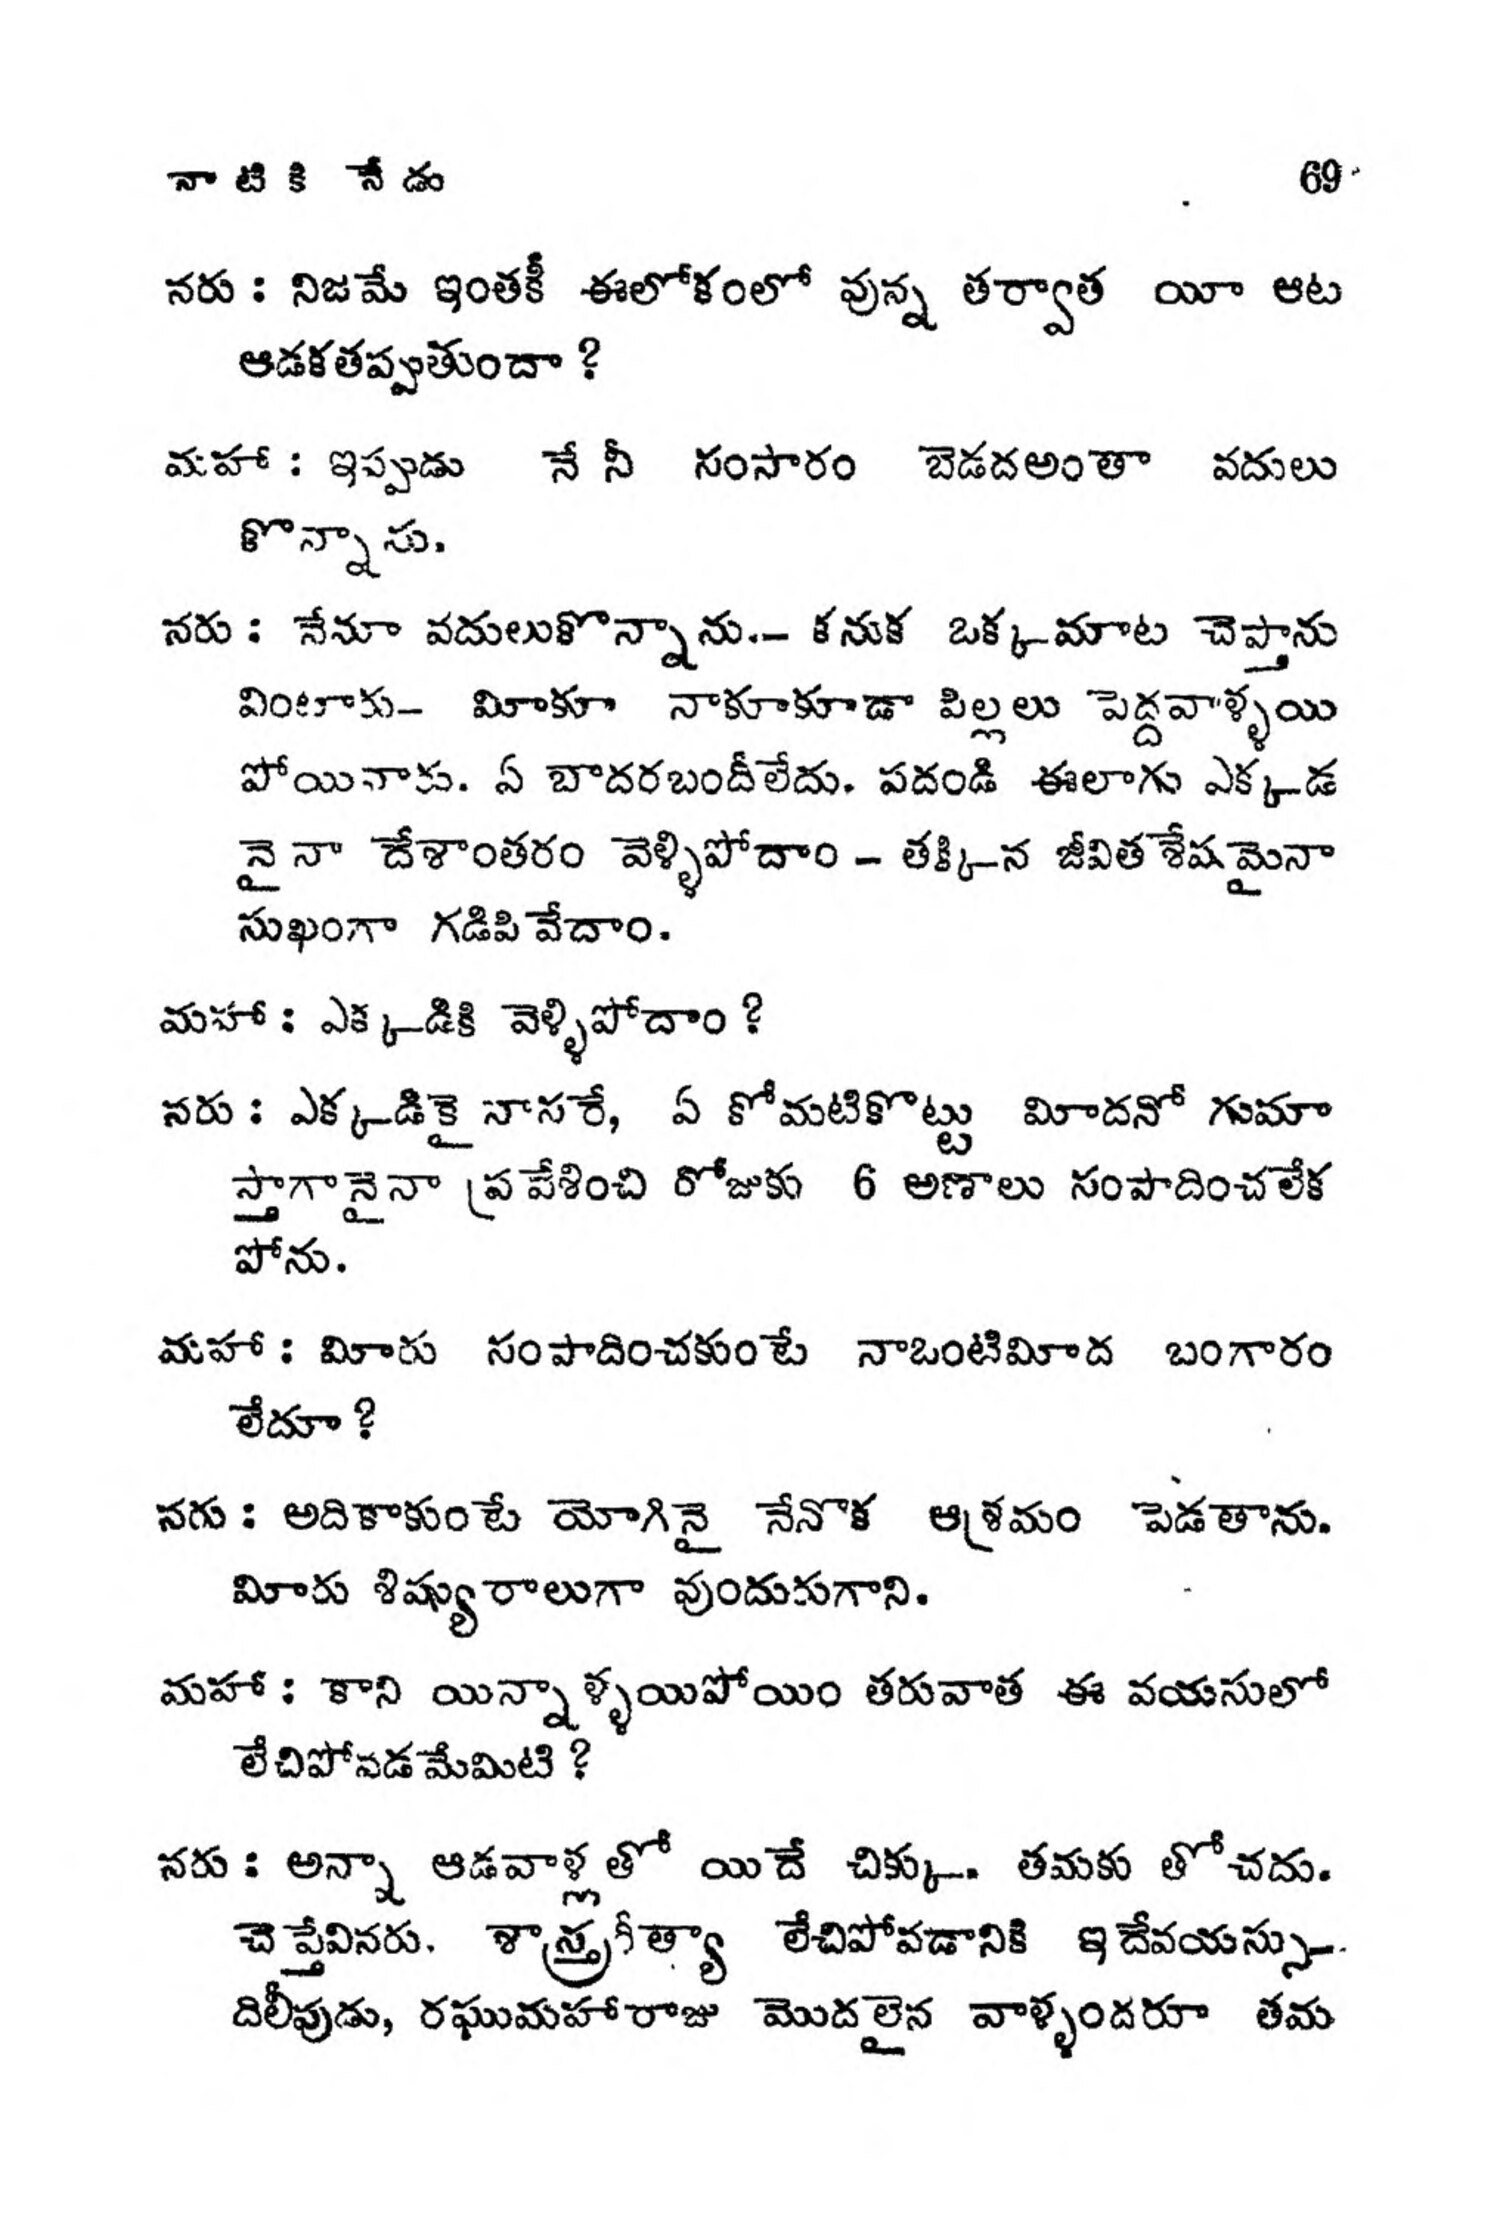నరు : నిజమే ఇంతకీ ఈలోకంలో వున్న తర్వాత యీ ఆట ఆడకతప్పుతుందా ?

మహా : ఇప్పుడు నే నీ సంసారం బెడదఅంతా వదులుకొన్నాను.

నరు : నేనూ వదులుకొన్నాను. - కనుక ఒక్క మాట చెప్తాను వింటారు- మీకూ నాకూకూడా పిల్లలు పెద్దవాళ్ళయి
పోయినారు. ఏ బాదరబందీలేదు. పదండి ఈలాగు ఎక్కడనైనా దేశాంతరం వెళ్ళిపోదాం - తక్కిన జీవితశేషమైనా
సుఖంగా గడిపివేదాం.

మహా : ఎక్కడికి వెళ్ళిపోదాం?

నరు : ఎక్కడికైనాసరే, ఏ కోమటికొట్టు మీదనో గుమాస్తాగానైనా ప్రవేశించి రోజుకు 6 అణాలు సంపాదించలేకపోను.

మహా : మీరు సంపాదించకుంటే నాఒంటిమీద బంగారం లేదూ?

నరు : అదికాకుంటే యోగినై నేనొక ఆశ్రమం పెడతాను. విూరు శిష్యురాలుగా వుందురుగాని.

మహా : కాని యిన్నాళ్ళయిపోయిం తరువాత ఈ వయసులో లేచిపోవడమేమిటి ?

నరు : అన్నా ఆడవాళ్లతో యిదే చిక్కు. తమకు తోచదు. చెప్తేవినరు. శాస్త్రరీత్యా లేచిపోవడానికి ఇదేవయస్సు.
దిలీపుడు, రఘుమహారాజు మొదలైన వాళ్ళందరూ తమ